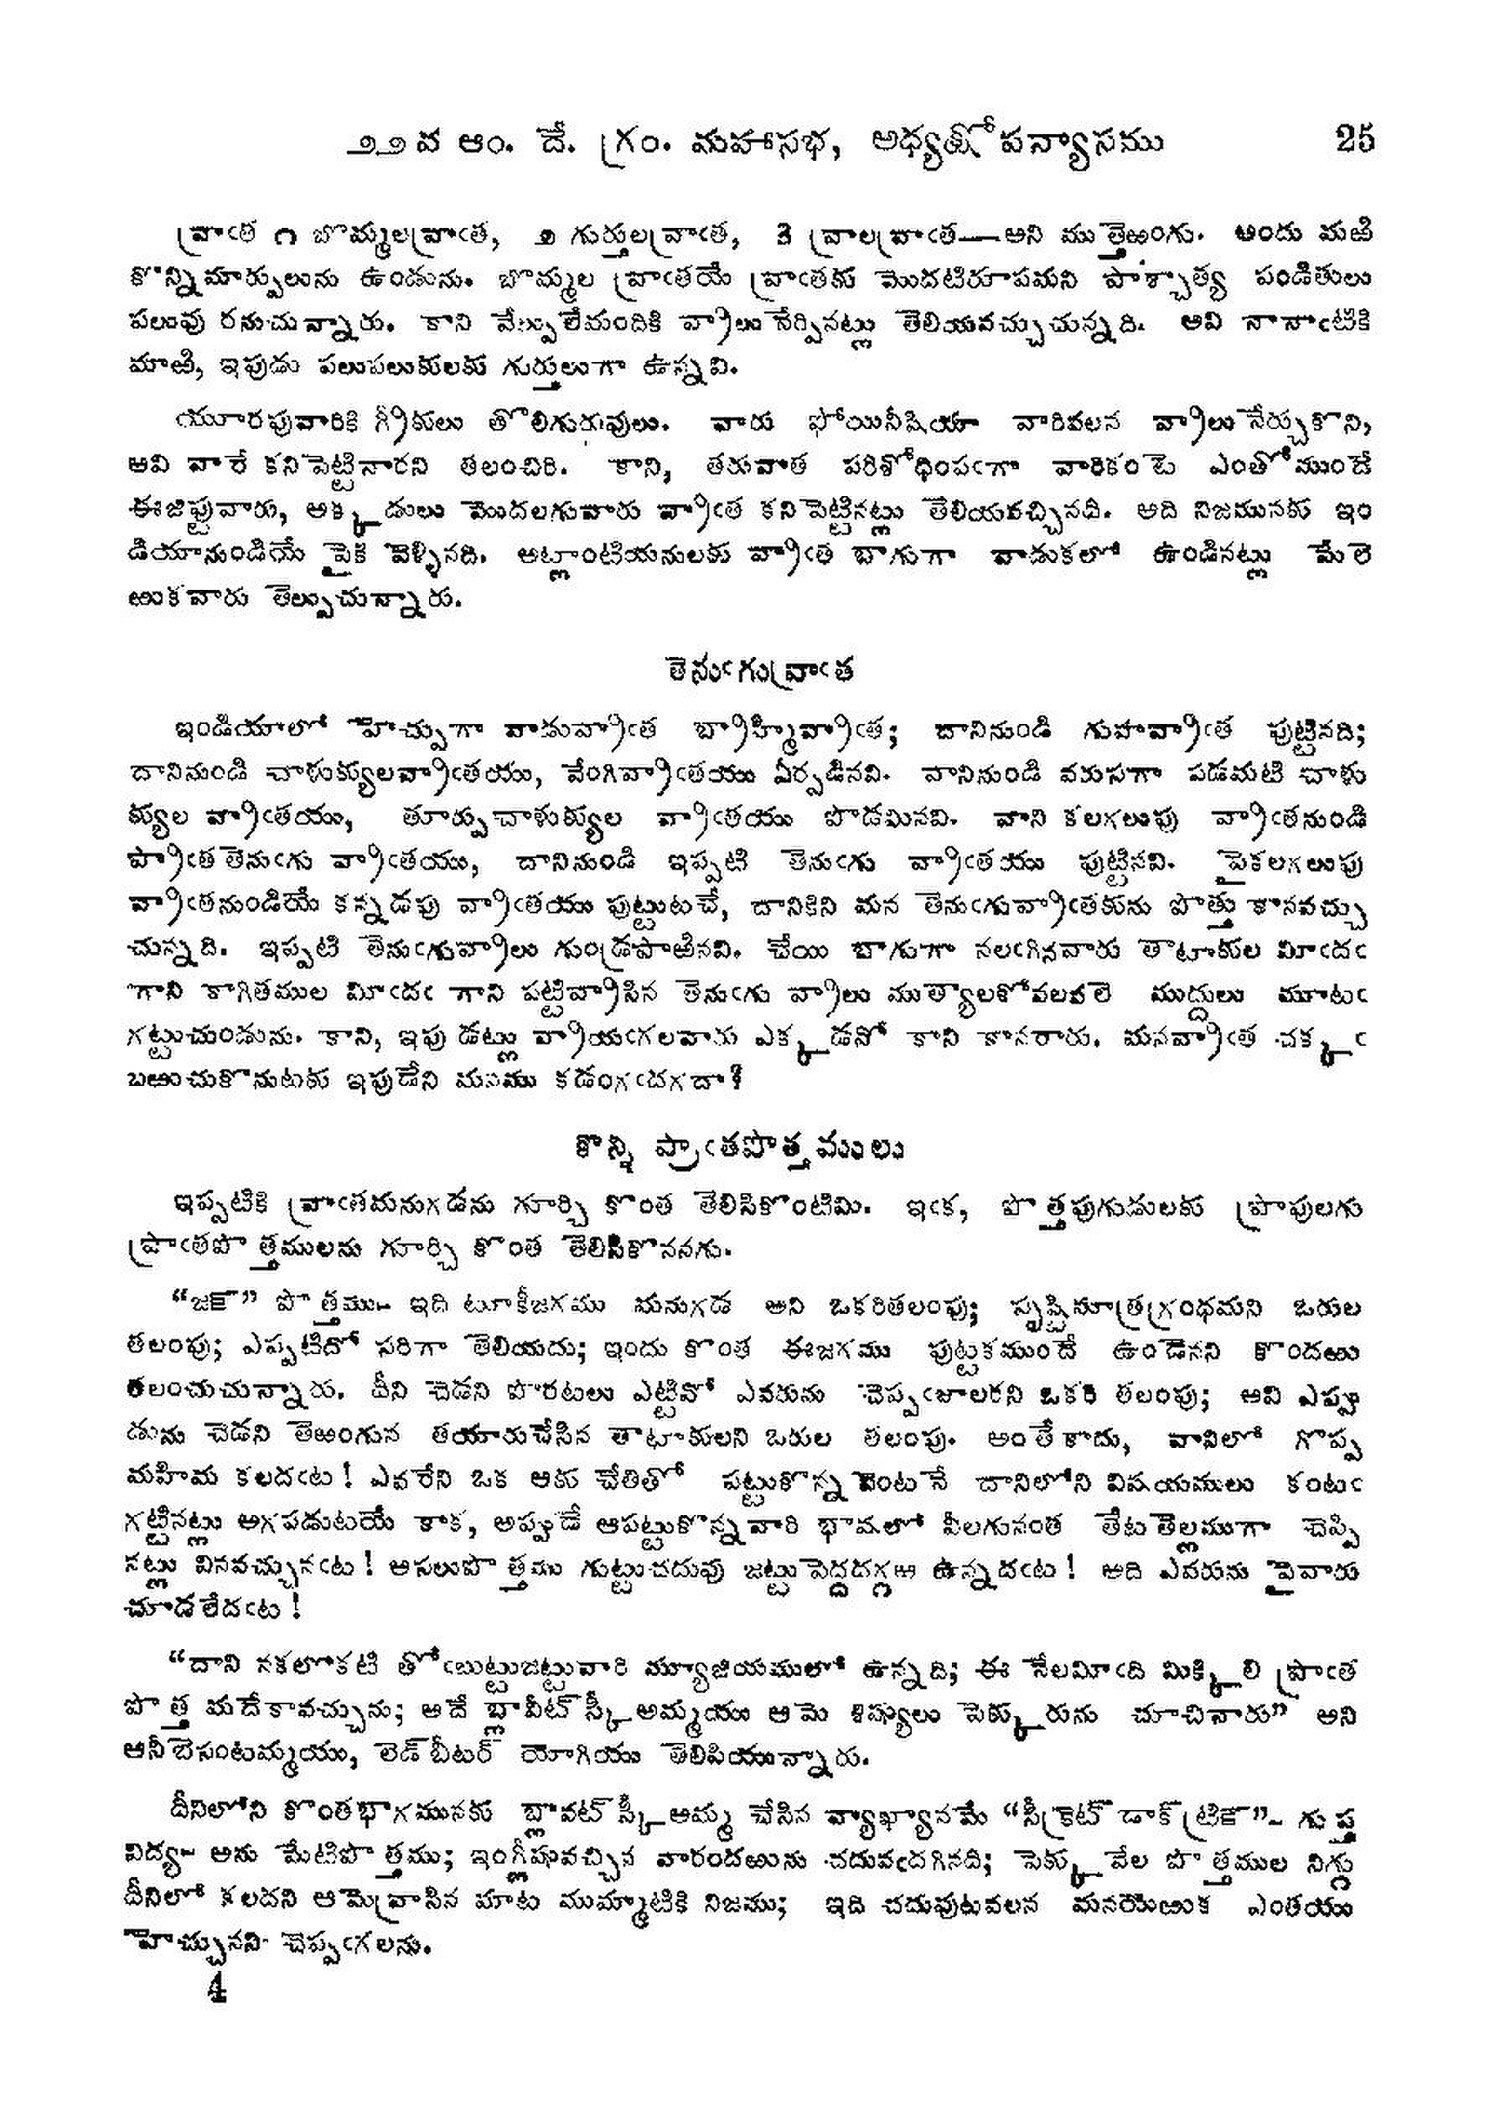వ్రాఁత ౧ బొమ్మల వ్రాఁత, ౨ గుర్తుల వ్రాఁత, 3 వ్రాల వాఁత అని - ముత్తెఱంగు. అందు మఱి కొన్ని మార్పులును 
ఉండును. బొమ్మల ప్రాఁతయే వ్రాఁతకు మొదటిరూపమని పాశ్చాత్య పండితులు పలువు రనుచున్నారు. కాని వేల్పుమందికి
వ్రాలు నేర్పినట్లు తెలియవచ్చుచున్నది. అవి నానాఁటికి మాఱి, ఇపుడు పలుపలుకులకు గుర్తులుగా ఉన్నవి.

యూరపువారికి గ్రీకులు తొలిగురువులు. వారు ఫోయినీషియా వారివలన వ్రాలునేర్చుకొని, అవి వారే కని పెట్టినారని తలంచిరి.
కాని, తరువాత పరిశోధింపఁగా వారికంటె ఎంతో ముందే ఈజిప్టువారు, అక్కడులు మొదలగువారు వాఁత కనిపెట్టినట్లు 
తెలియవచ్చినది. అది నిజమునకు ఇండియా నుండియే పైకి వెళ్ళినది. అట్లాంటియనులకు వ్రాత బాగుగా వాడుకలో 
ఉండినట్లు మేలె ఱుకనారు తెల్పుచున్నారు.

ఇండియాలో "హెచ్చుగా వాడువాఁత బ్రాహ్మివాఁత; దానినుండి గుహవ్రాత పుట్టినది; దానినుండి చాళుక్యులవాఁతయు, 
వేంగివ్యాతయు ఏర్పడినవి. వానినుండి వరుసగా పడమటి చాళుక్యుల వ్రాఁతయు, తూర్పు చాళుక్యుల వాఁతయు పొడమినవి.
వాని కలగలుపు వ్రాఁతనుండి పాత తెనుఁగు వాఁతయు, దానినుండి ఇప్పటి తెనుఁగు వాఁతయు పుట్టినవి. పైకలగలుపు
వాఁతనుండియే కన్నడపు వాఁతయు పుట్టుటచే, దానికిని మన తెనుఁగువాఁతకును పొత్తు కానవచ్చు చున్నది. ఇప్పటి 
తెనుఁగువాలు గుండ్రపాఱినవి. చేయి బాగుగా నలఁగినవారు తాటాకుల మీఁదఁ గాని కాగితముల మీఁదఁ గాని పట్టి 
వ్రాసిన తెనుఁగు వాలు ముత్యాల కోవలవలె ముద్దులు మూటఁ గట్టుచుండును. కాని, ఇపు డట్లు వాయఁగలవారు 
ఎక్కడనో కాని కానరారు. మనవాఁత చక్కఁ బఱుచుకొనుటకు ఇపుడేని మనము కడంగఁదగదా?

ఇప్పటికి వ్రాఁతమనుగడను గూర్చి కొంత తెలిసికొంటిమి. ఇంక , పొత్తపుగుడులకు ప్రాపులగు ప్రాంతపొత్తములను 
గూర్చి కొంత తెలిసికొననగు.

"జ౯" పొత్తము - ఇది టూకీజగము మనుగడ అని ఒకరితలంపు; సృష్టి సూత్రగ్రంధమని ఒరుల తలంపు; ఎప్పటిదో 
సరిగా తెలియదు; ఇందు కొంత ఈజగము పుట్టకముందే ఉండెనని కొందఱు తలంచుచున్నారు. దీని చెడని పొరటలు
ఎట్టివో ఎవరును చెప్పఁజాలరని ఒకరి తలంపు; అని ఎప్పుడును చెడని తెఱంగున తయారుచేసిన తాటాకులని ఒరులు 
తలంపు. అంతేకాదు, వానిలో గొప్ప మహిమ కలదఁట! ఎవరేని ఒక ఆకు చేతితో పట్టుకొన్న వెంటనే దానిలోని 
విషయములు కంటఁ గట్టినట్లు అగపడుటయే కాక, అప్పుడే ఆపట్టుకొన్న వారి భాషలో వీలగునంత తేట తెల్లముగా చెప్పి
నట్లు వినవచ్చునఁట! అసలుపొత్తము గుట్టుచదువు జట్టుపెద్దదగ్గ ఉన్నదఁట! అది ఎవరును పైవారు చూడలేదఁట!

“దాని నకలోకటి తోఁబుట్టు జట్టువారి మ్యూజియములో ఉన్నది; ఈ నేలమీఁది మిక్కిలి ప్రాంత పొత్త మదేకావచ్చును; 
అదే బ్లావట్ స్కీ అమ్మయు ఆమె శిష్యులు పెక్కురును చూచినారు" అని బెసంటమ్మయు, లెడ్ బీటర్ యోగియు 
తెలిపియున్నారు.

దీనిలోని కొంతభాగమునకు బ్లావట్ స్కీ అమ్మ చేసిన వ్యాఖ్యానమే “సీక్రెట్" డాక్ ట్రి౯ "- గుప్త విద్య అను 
మేటిపొత్తము; ఇంగ్లీషు వచ్చిన వారందఱును చదువఁదగినది; పెక్కు వేల పొత్తముల నిగ్గు దీనిలో కలదని ఆమె 
వ్రాసిన మాట ముమ్మాటికి నిజము; ఇది చదువుటవలన మనయెఱుక ఎంతయు హెచ్చునని చెప్పఁగలను.